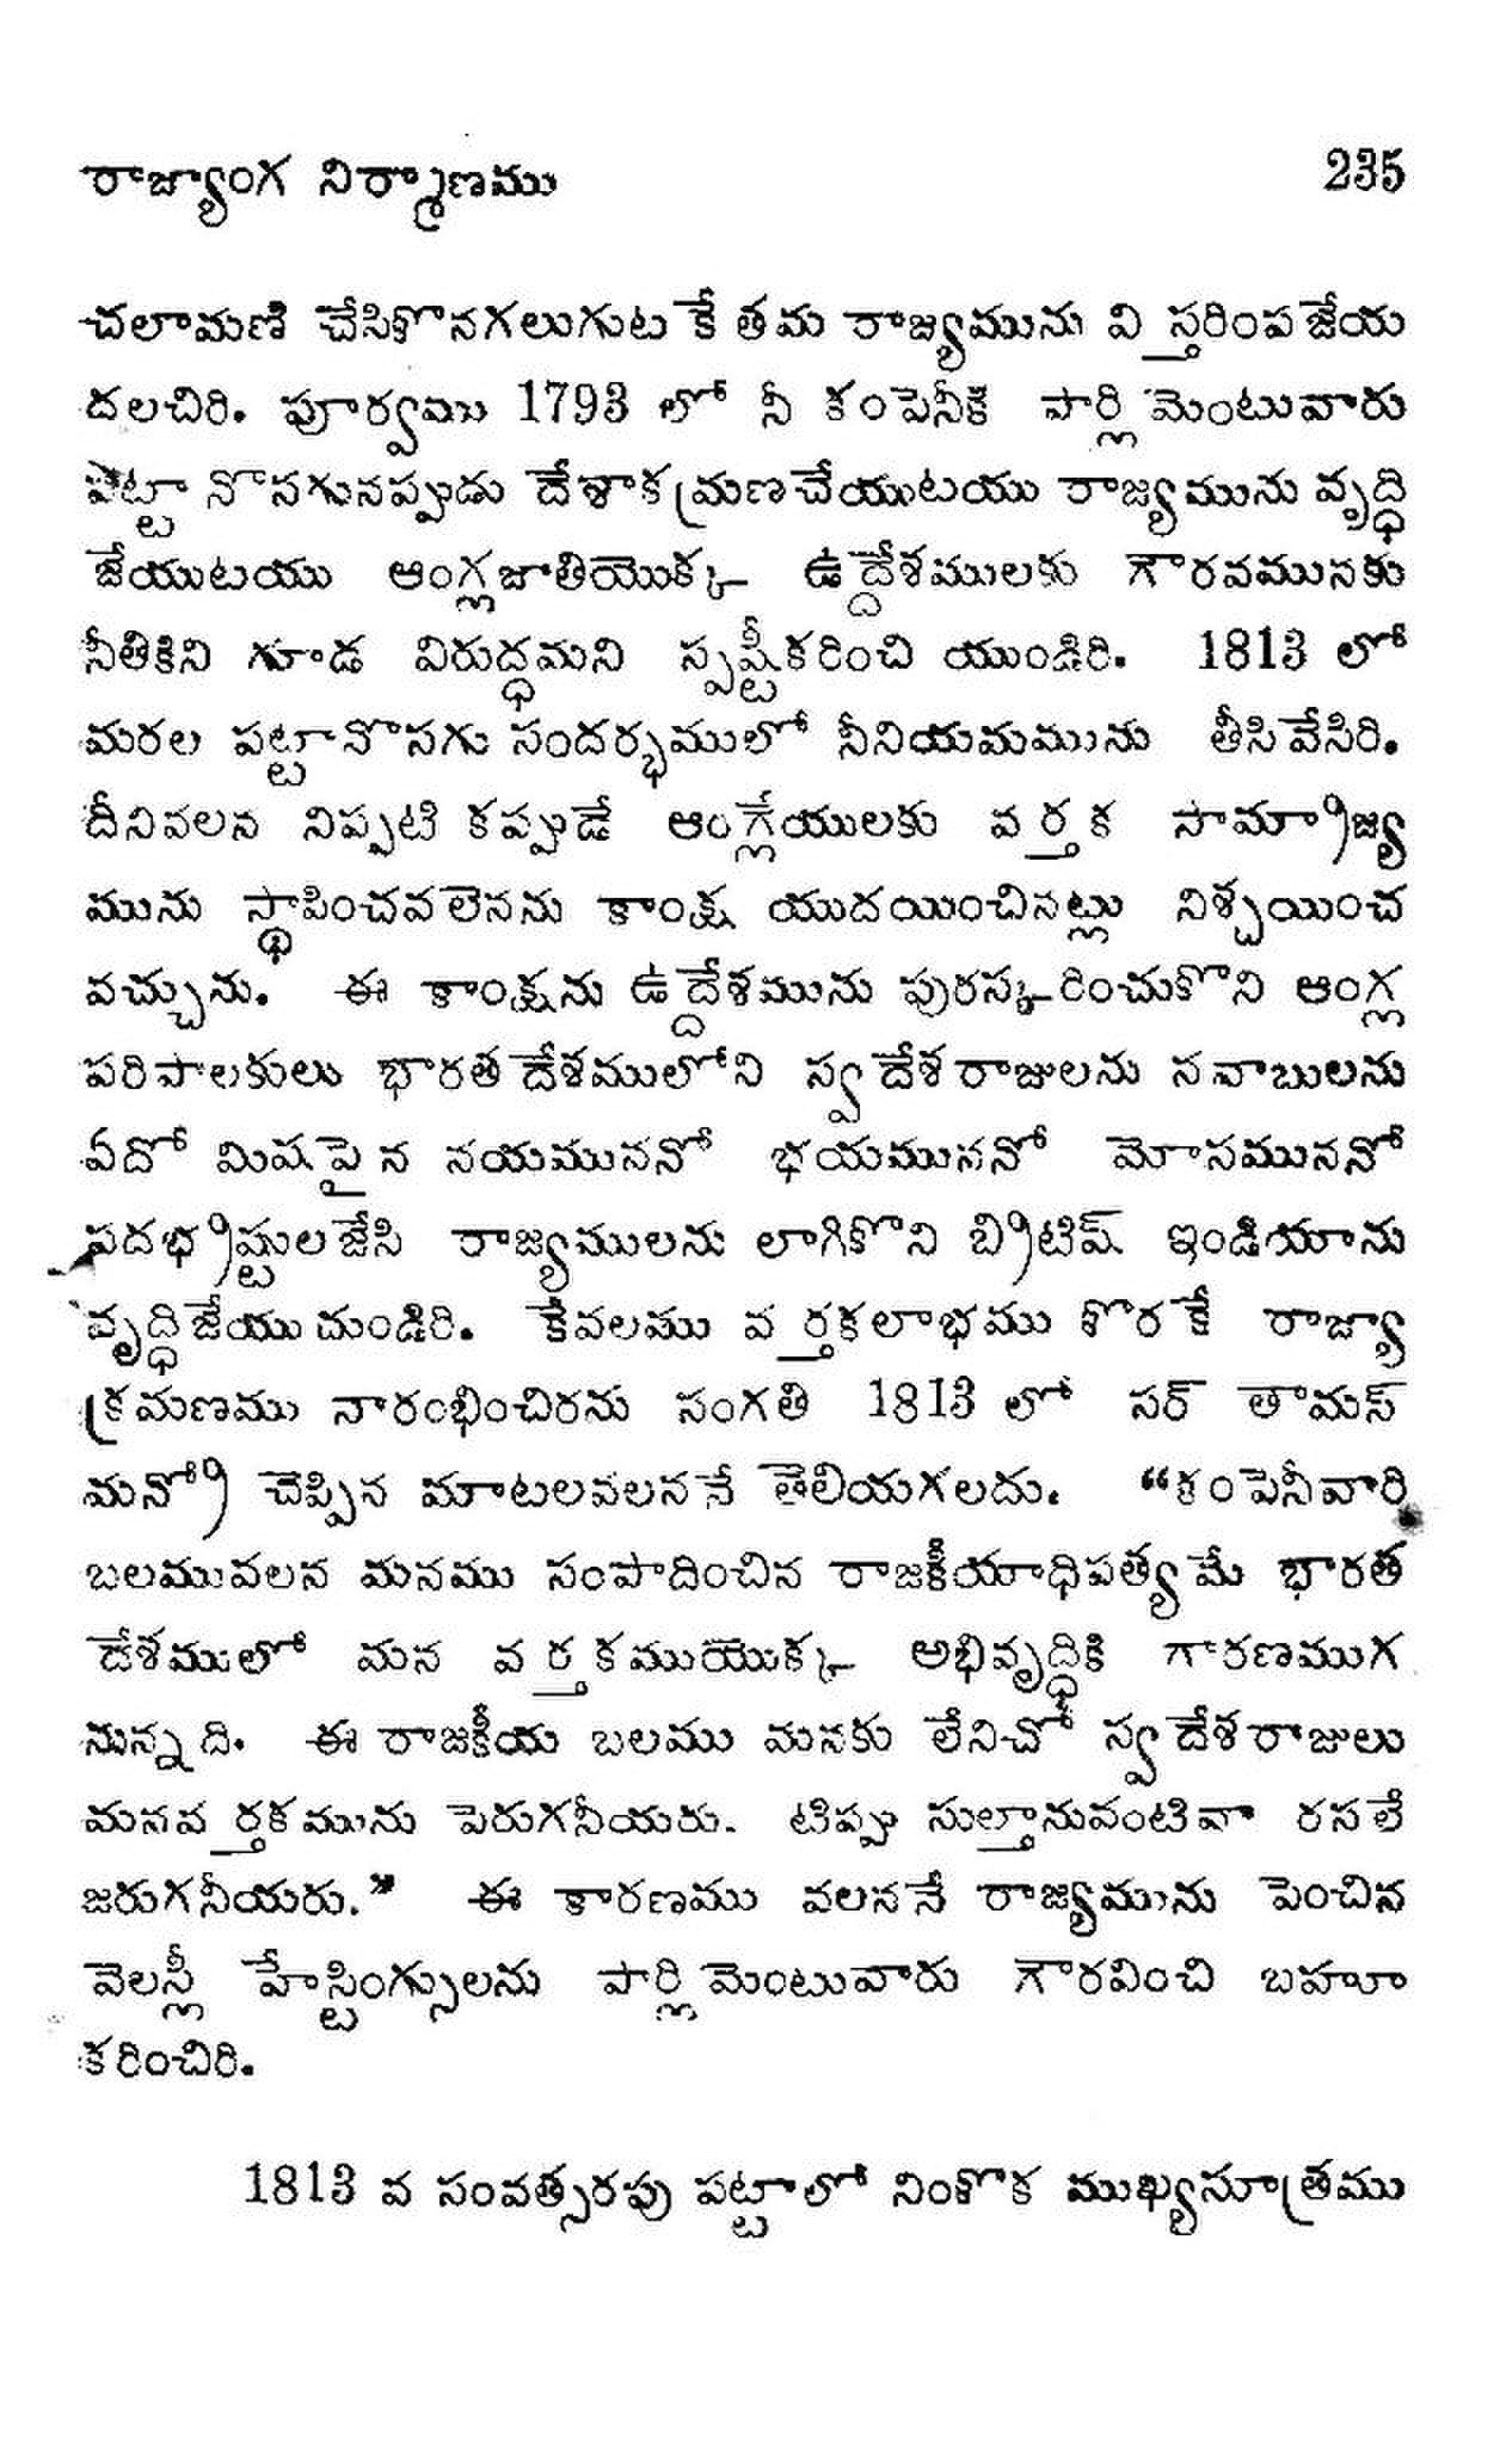చలామణి చేసికొనగలుగుట కే తమ రాజ్యమును విస్తరింపజేయ దలచిరి. పూర్వము 1793 లో నీ కంపెనీకి పార్లి మెంటువారు పట్టా నొసగునప్పుడు దేశాకమ్రణచేయుటయు రాజ్యమును వృద్ధిజేయుటయు ఆంగ్లజూతియొక్క ఉద్దేశములకు గౌరవమునకు నీతికిని గూడ విరుద్ధమని స్పష్టీకరించి యుండిరి. 1813 లో మరల పట్టానొసగు సందర్భములో నీనియమమును తీసివేసిరి. దీనివలన నిప్పటి కప్పుడే ఆంగ్లేయులకు వర్తక సామ్రాజ్యమును స్థాపించవలెనను కాంక్ష యుదయించినట్లు నిశ్చయించ వచ్చును. ఈ కాంక్షను ఉద్దేశమును పురస్కరించుకొని ఆంగ్ల పరిపాలకులు భారతదేశములోని స్వదేశరాజులను నవాబులను ఏదో మిషపైన నయముననో భయముననో మోసముననో పదభ్రష్టులజేసి రాజ్యములను లాగికొని బ్రిటిష్ ఇండియాను వృద్ధిజేయుచుండిరి. కేవలము వర్తకలాభము కొరకే రాజ్యాక్రమణము నారంభించిరను సంగతి 1813 లో సర్ తామస్ మన్రో చెప్పిన మాటలవలననే తెలియగలదు. "కంపెనీవారి బలమువలన మనము సంపాదించిన రాజకీయాధిపత్యమే భారతదేశములో మనవర్తకముయొక్క అభివృద్ధికి గారణముగ నున్నది. ఈ రాజకీయ బలము మనకు లేనిచో స్వదేశరాజులు మనవర్తకమును పెరుగనీయరు. టిప్పు సుల్తానువంటివా రసలే జరుగనీయరు." ఈ కారణము వలననే రాజ్యమును పెంచిన వెలస్లీ హేస్టింగ్సులను పార్లిమెంటువారు గౌరవించి బహూకరించిరి.

1813 వ సంవత్సరపు పట్టాలో నింకొక ముఖ్యసూత్రము